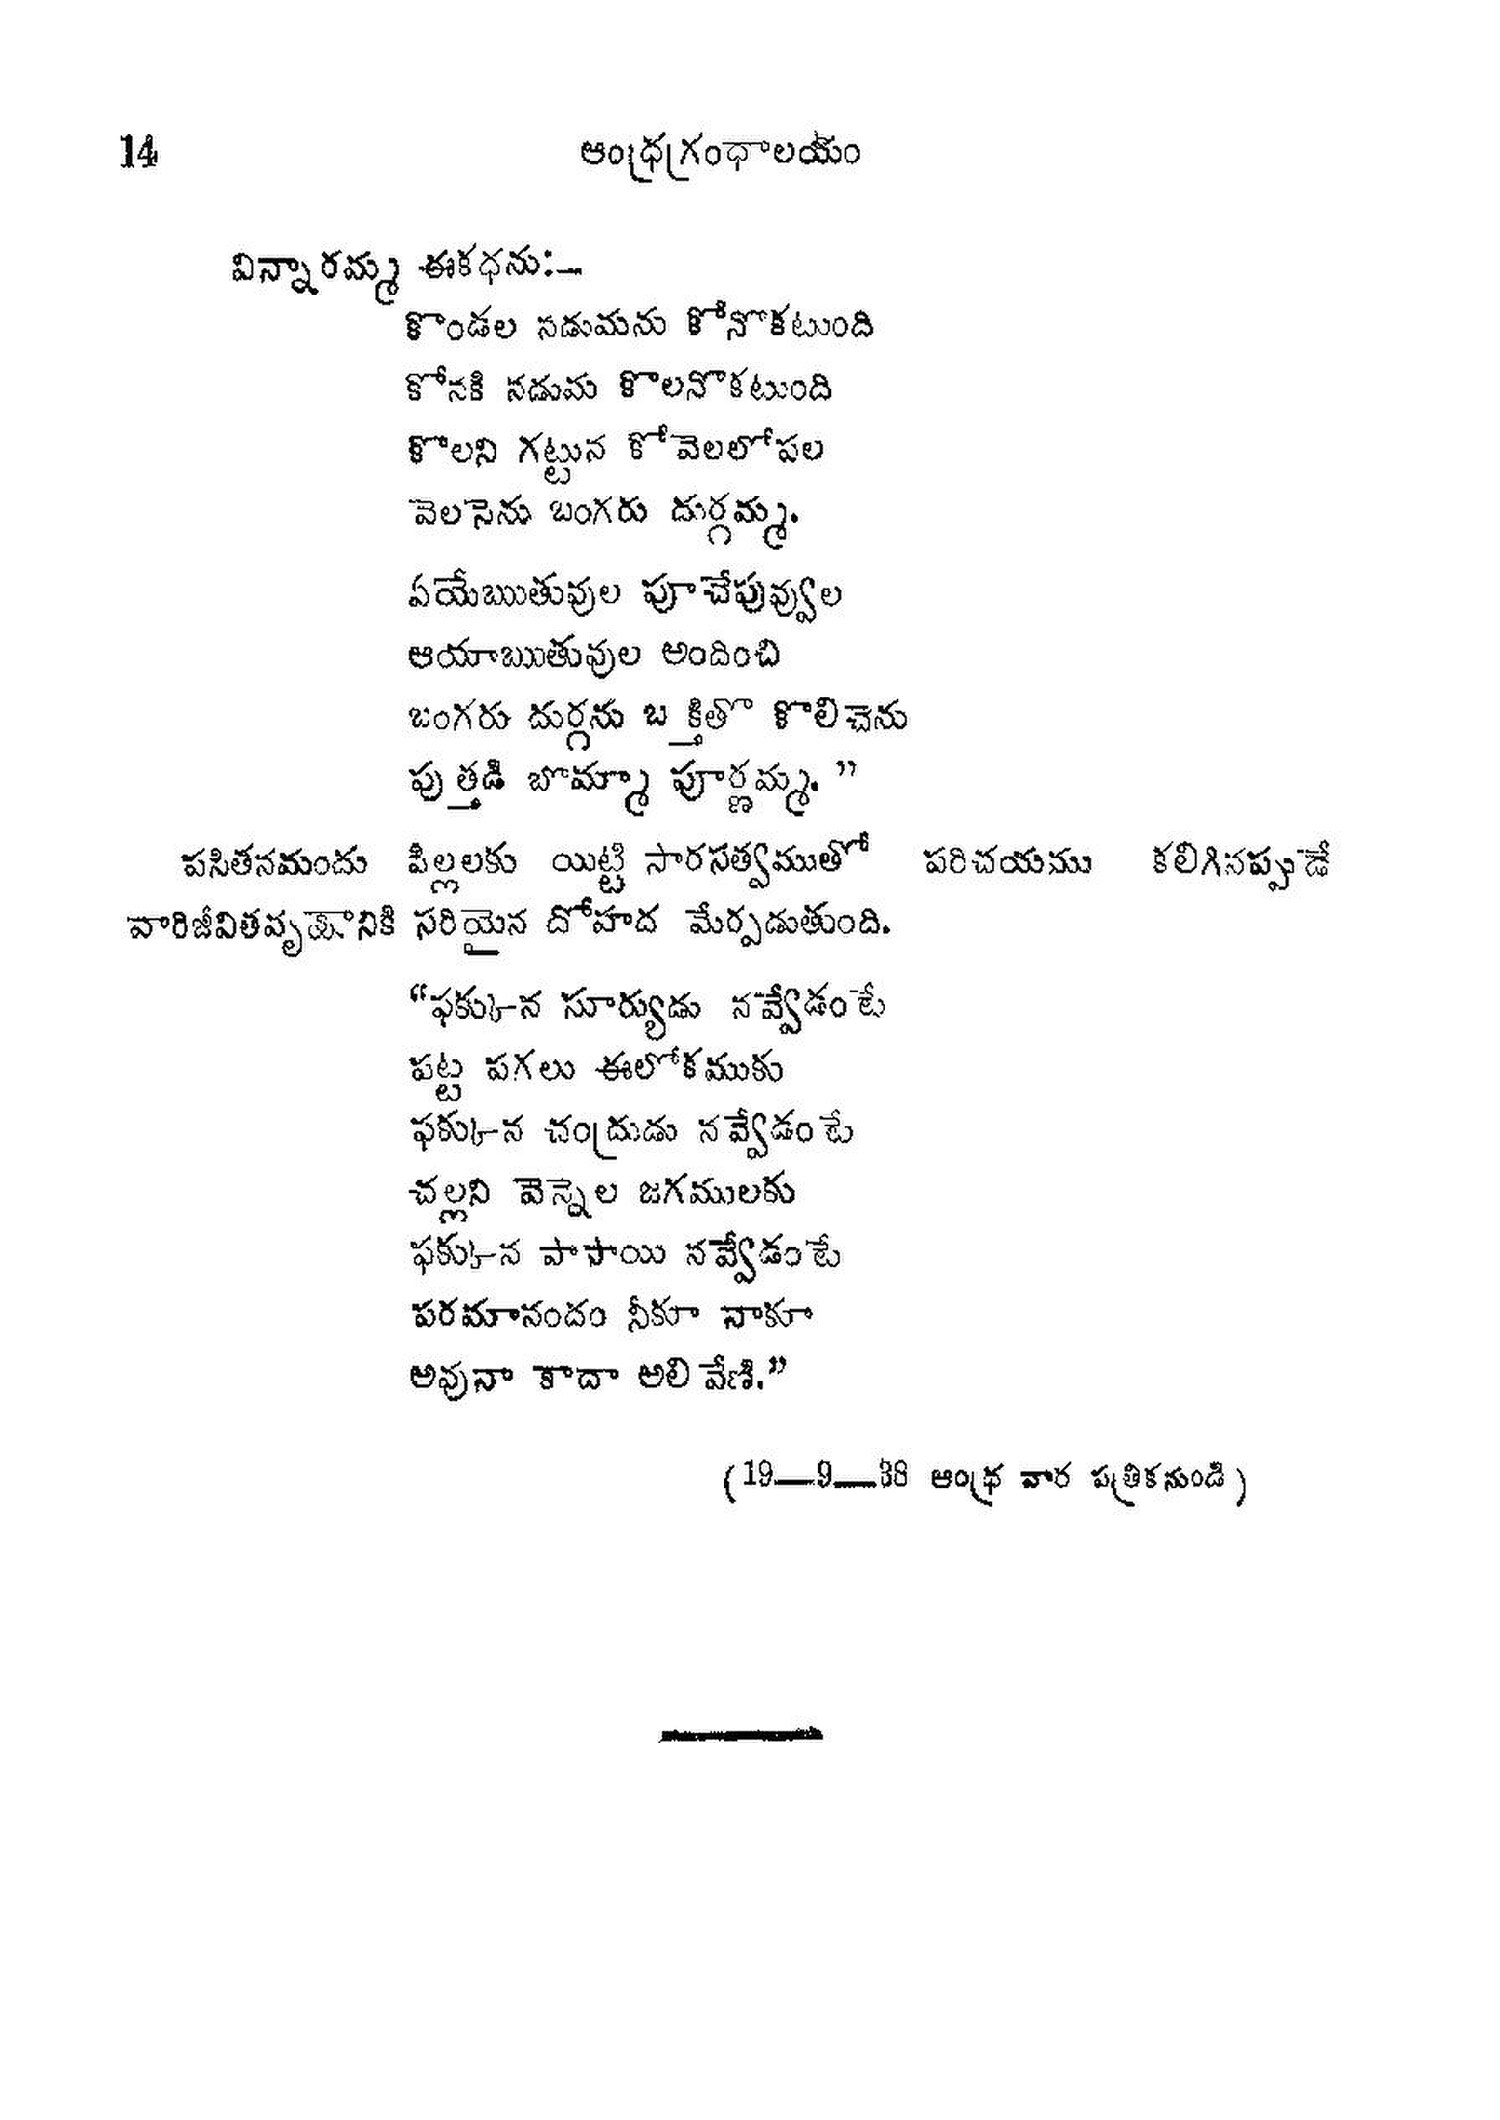విన్నారమ్మ ఈకధను:-
"కొండల నడుమను కోనొకటుంది
కోనకి నడుమ కొలనొకటుంది
కొలని గట్టున కోవెలలోపల
వెలసెను బంగరు దుర్గమ్మ.
ఏయే ఋతువుల పూచే పువ్వుల
ఆయాఋతువులు అందించి
బంగరు దుర్గను బక్తితో కొలిచెను
పుత్తడి బొమ్మా పూర్ణమ్మ."
పసితనమందు పిల్లలకు యిట్టి సారసత్వముతో పరిచయము కలిగినప్పుడే వారిజీవితవృక్షానికి సరియైన దోహద మేర్పడుతుంది.
“ఫక్కున సూర్యుడు నవ్వేడంటే
పట్ట పగలు ఈలోకముకు
ఫక్కున చంద్రుడు నవ్వేడంటే
చల్లని వెన్నెల జగములకు
ఫక్కున పాపాయి నవ్వేడంటే
పరమానందం నీకూ నాకూ
అవునా కాదా అలివేణి.”